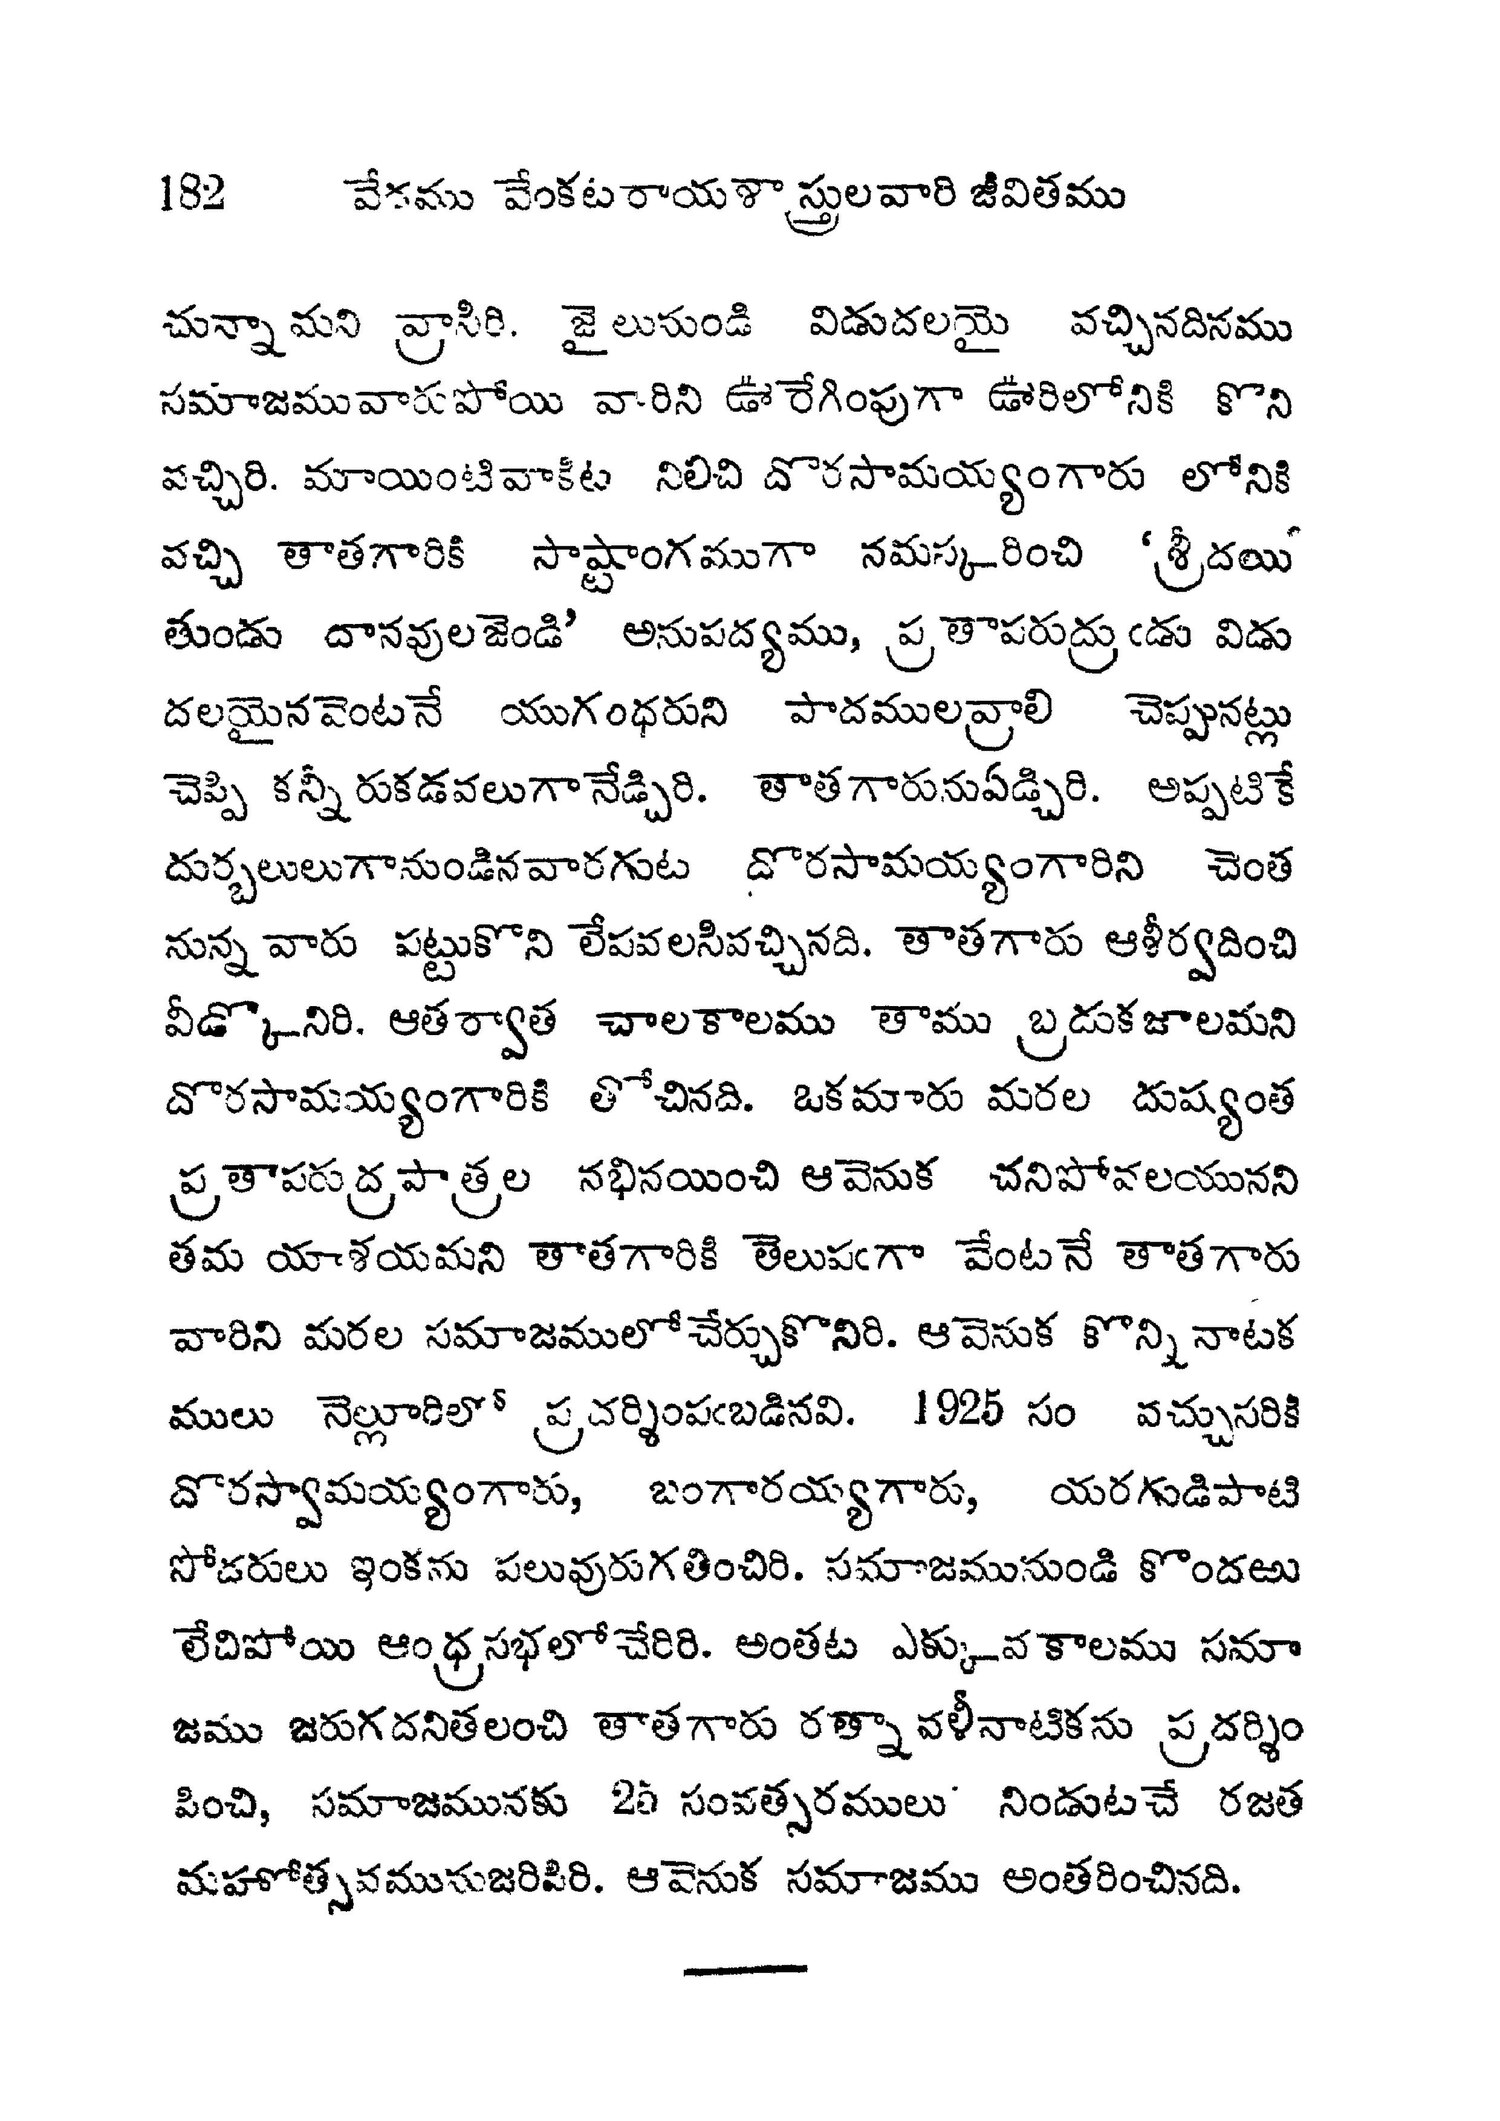చున్నామని వ్రాసిరి. జైలునుండి విడుదలయై వచ్చినదినము సమాజమువారుపోయి వారిని ఊరేగింపుగా ఊరిలోనికి కొనివచ్చిరి. మాయింటివాకిట నిలిచి దొరసామయ్యంగారు లోనికివచ్చి తాతగారికి సాష్టాంగముగా నమస్కరించి 'శ్రీదయితుండు దానవులజెండి' అనుపద్యము, ప్రతాపరుద్రుడు విడుదలయైన వెంటనే యుగంధరుని పాదములవ్రాలి చెప్పునట్లు చెప్పి కన్నీరు కడవలునేడ్చిరి. తాతగారును ఏడ్చిరి. అప్పటికే దుర్బలులుగా నుండిన వారగుట దొరసామయ్యంగారిని చెంతనున్నవారు పట్టుకొని లేపవలసి వచ్చినది. తాతగారు ఆశీర్వదించి వీడ్కొనిరి. ఆతర్వాత చాలకాలము తాము బ్రదుకజాలమని దొరసామయ్యంగారికి తోచినది. ఒకమారు మరల దుష్యంత ప్రతాపరుద్రపాత్రల నభినయించి ఆవెనుక చనిపోవలయునని తమ యాశయమని తాతగారికి తెలుపగా వేంటనే తాతగారు వారిని మరల సమాజములో చేర్చుకొనిరి. ఆవెనుక కొన్నినాటకములు నెల్లూరిలో ప్రదర్శింపబడినవి. 1925 సం వచ్చుసరికి దొరస్వామయ్యంగారు, బంగారయ్యగారు, యరగుడిపాటి సోదరులు ఇంకను పలువురు గతించిరి. సమాజమునుండి కొందఱు లేచిపోయి ఆంధ్రసభలో చేరిరి. అంతట ఎక్కువకాలము సమాజము జరుగదని తలంచి తాతగారు రత్నావళీ నాటికను ప్రదర్శింపించి, సమాజమునకు 25 సంవత్సరములు నిండుటచే రజత మహోత్సవమును జరిపిరి. ఆవెనుక సమాజము అంతరించినది.

__________